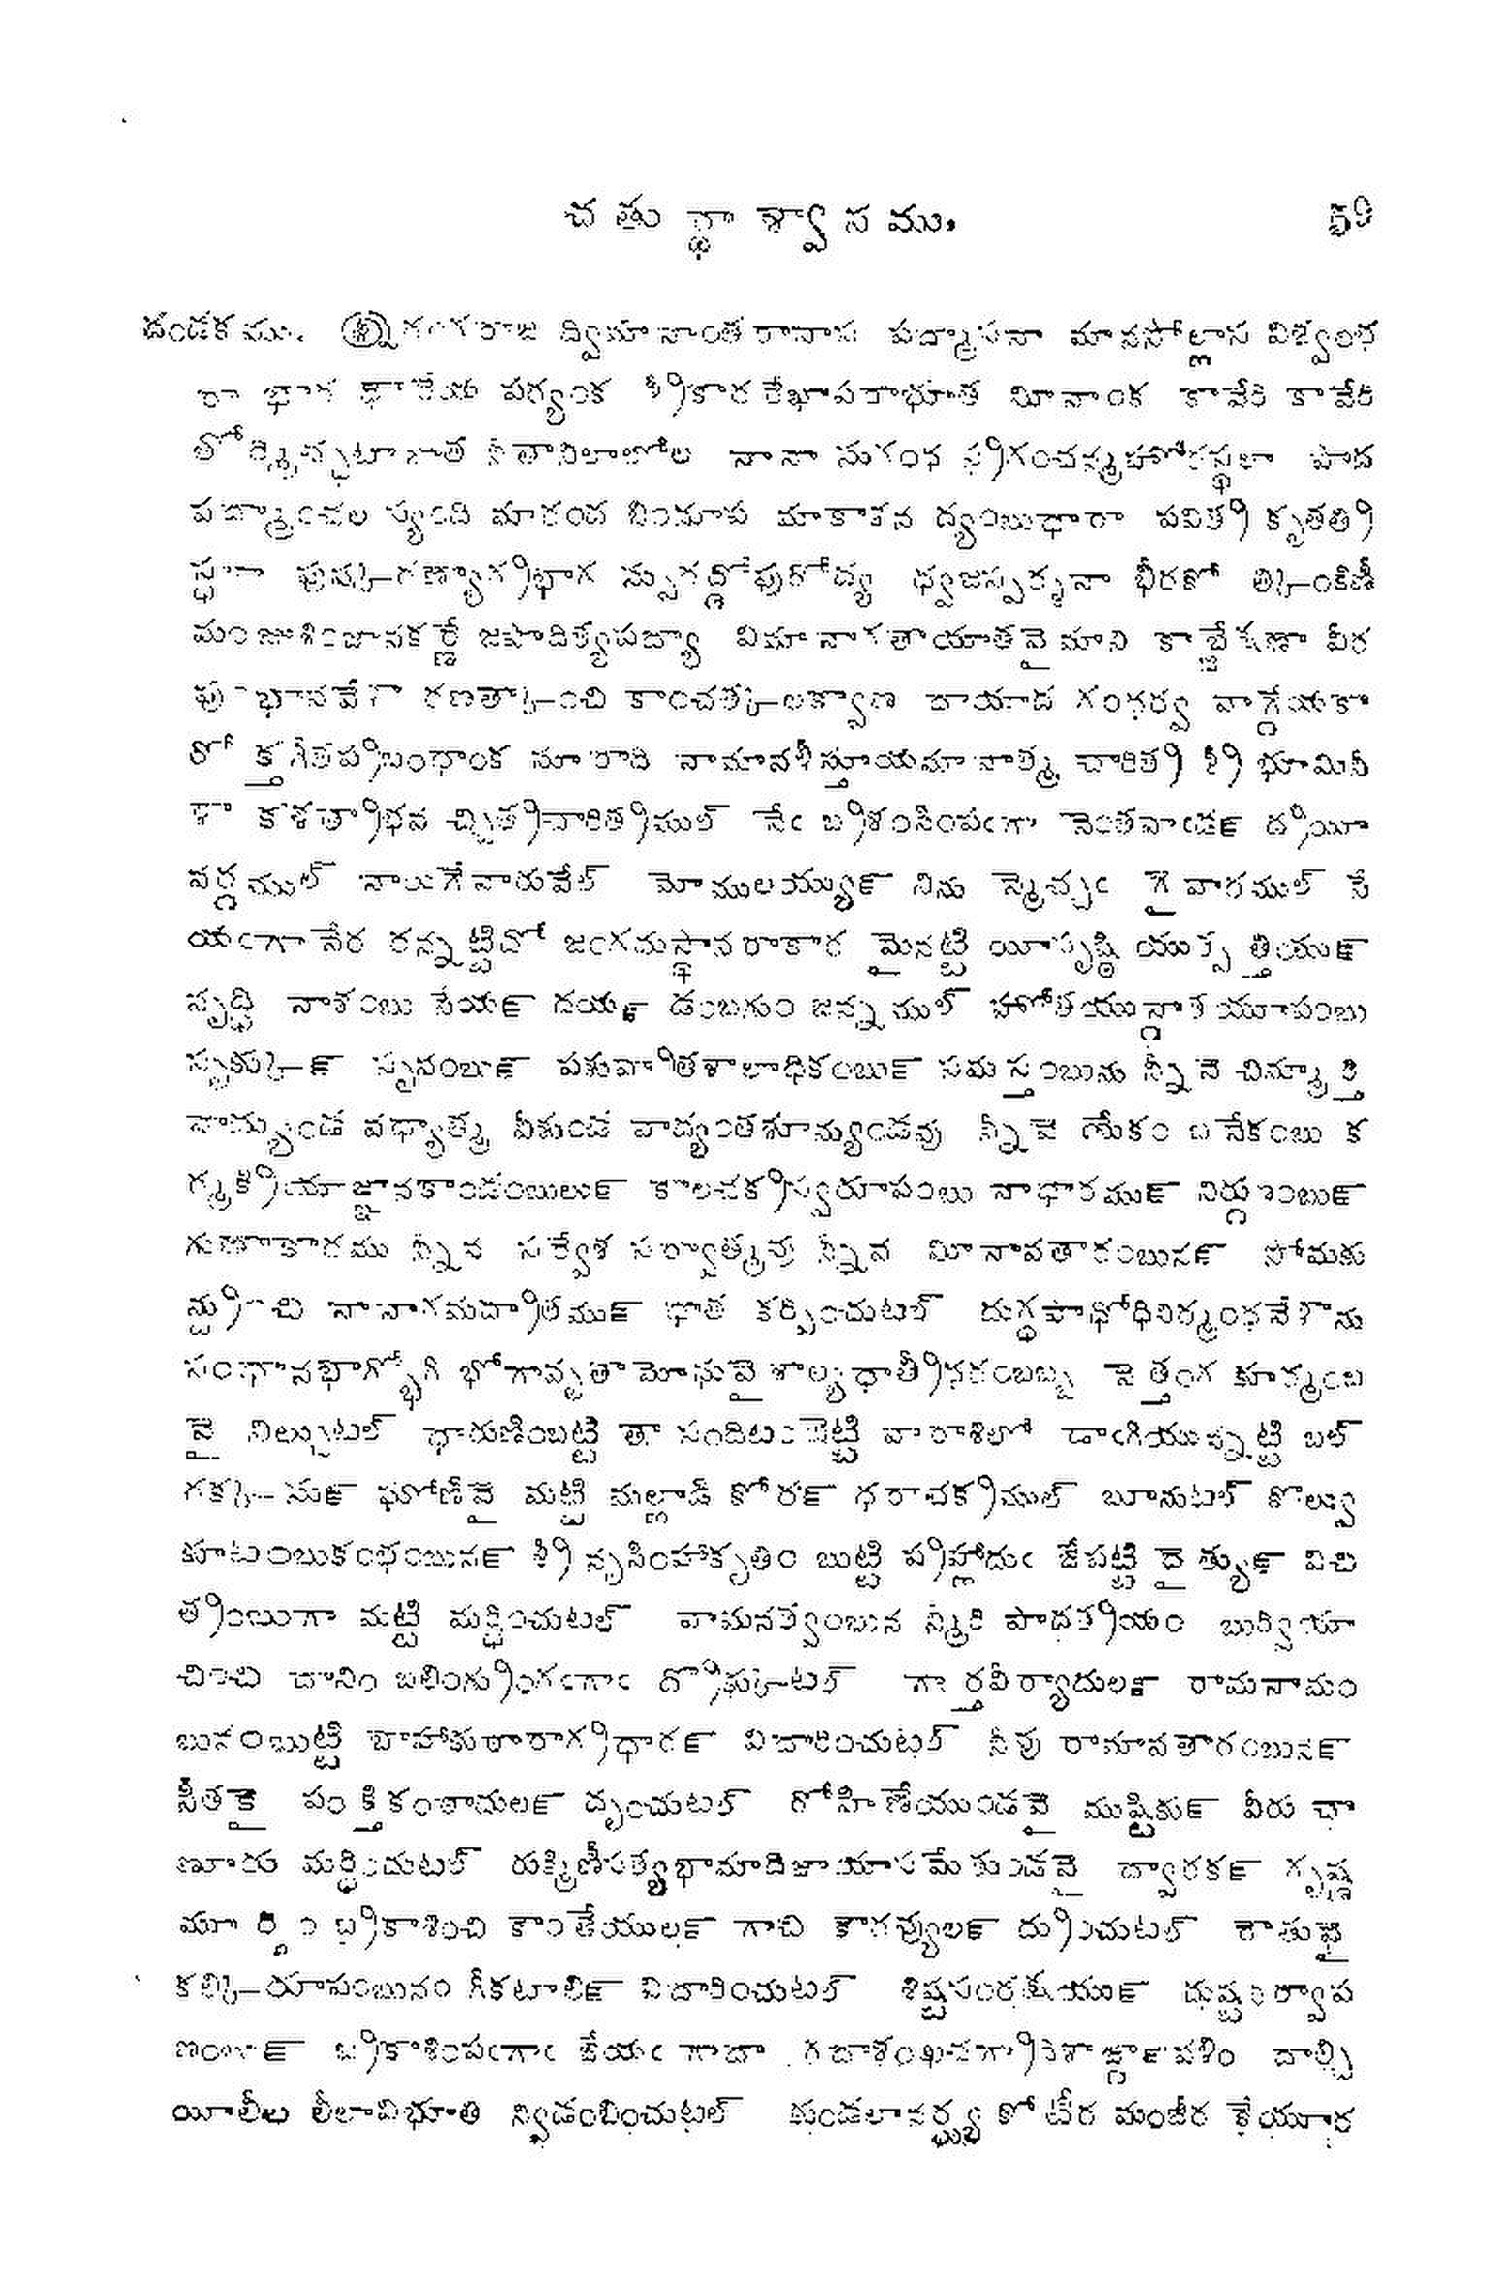దండకము. శ్రీరంగరాజ ద్విమానాంతరానాస పద్మాసనా మానసోల్లాస విశ్వంభ
 రా భార ధౌరేయ పర్యంక శ్రీకారరేఖాపరాభూత మీనాంక కావేరి కావేరి
 తోర్మిచ్ఛటాజత నీతానిలాలోల నానా సుగంధ స్రగంచన్మహోరస్థలా పాద
 పద్మాంచల స్యంది మారంద బిందూప మాకాశన ద్యంబుధారా పవిత్ర కృతత్రి
 స్థలా పుష్కరణ్యాగ్రభాగ స్సురద్గోపురోద్య ధ్వజస్పర్శనా భీరకో త్కింకిణీ
 మంజుశింజానకర్ణే జపాదిత్యపద్యా విమానాగతాయాతవైమాని కాబ్జేక్షణా వీర
 పుంభావవేళా రణత్కాంచి కాంచత్కలక్వాణ దాయాద గంధర్వ వాగ్గేయకా
 రోక్తగీతప్రబంధాంక సూరాది నామావళీస్తూయమానాత్మ చారిత్ర శ్రీభూమినీ
 ళా కళత్రాభవ చ్చిత్రచారిత్రముల్ నేఁ బ్రశంసింపఁగా నెంతవాఁడన్ ద్రయీ
 వర్గముల్ నాలుగేవారువేలన్ మోములయ్యున్ నిను న్మెచ్చఁ గైవారముల్ సే
 యఁగా నేర రన్నట్టిచో జంగమస్థానరాకార మైనట్టి యీసృష్టి యుత్పత్తియున్
 వృద్ధి నాశంబు సేయన్ దయన్ డంబగుం జన్నముల్ హోతయున్గాతయూపంబు
 సృక్కున్ సృవంబున్ పశువ్రాతశాలాధికంబున్ సమస్తంబును న్నీనె చిన్మూర్తి
 నాద్యుండ వధ్యాత్మ వీశుండ వాద్యంతశూన్యుండవు న్నీవె యేకం బనేకంబు క
 ర్మక్రియాజ్ఞానకాండంబులున్ కాలచక్రస్వరూపంబు నాధారమున్ నిర్గుణంబున్
 గుణకారము న్నీన సర్వేశ సర్వాత్మవు న్నీన మీనావతారంబునన్ సోమకు
 న్ద్రుంచి నానాగమద్రాతమున్ ధాత కర్చించుటల్ దుగ్ధపాదోధినిర్మంధవేళాను
 సంధానభాగ్భోగి భోగావృతామోఘవైశాల్యధాత్రీధరం బబ్బ నెత్తంగ కూర్మంబ
 నై నిల్చుటల్ ధారుణింబట్టి తా సందిటంబెట్టి వారాశిలో డాఁగియున్నట్టి బల్
 రక్కసున్ ఘోణివై మట్టి మల్లాడి కోరన్ ధరాచక్రముల్ బూనుటల్ కొల్వు
 కూటంబుకంభంబునన్ శ్రీనృసింహాకృతిం బుట్టి ప్రహ్లాదుఁ జేపట్టి దైత్యున్ విచి
 త్రంబుగా మట్టి మర్దించుటల్ వామనత్వంబున న్మీరి పాదత్రయం బుర్వియా
 చించి దానిం బలింగ్రుంగఁగాఁ ద్రొక్కుటర్ గార్తవీర్యాదులన్ రామనామం
 బునంబుట్టి బాహాకుఠారాగ్రధారన్ విదారించుటల్ నీవు రామావతారంబునన్
 సీతకై పంక్తికంఠాదులన్ దృంచుటల్ రోహిణేయుండవై ముష్టికున్ వీరు చా
 ణూరు మర్ధించుటల్ రుక్మిణీసత్యభామాదిజాయాసమేతుండవై ద్వారకన్ గృష్ణ
 మూర్తిం బ్రకాశించి కౌంతేయులన్ గాచి కౌరవ్యులన్ ద్రుంచుటల్ రౌతువై
 కల్కిరూపంబునం గీకటాలిన్ విచారించుటల్ శిష్టసంరక్షయున్ దుష్టనిర్వాప
 ణంబున్ బ్రకాశింపఁగాఁ జేయఁ గాదా గదాశంఖచక్రాదిశాఙ్గావళిం దాల్చి
 యీలీల లీలావిభూతి న్విడంబించుటల్ కుండలానర్ఘ్యకోటీర మంజీర కేయూర